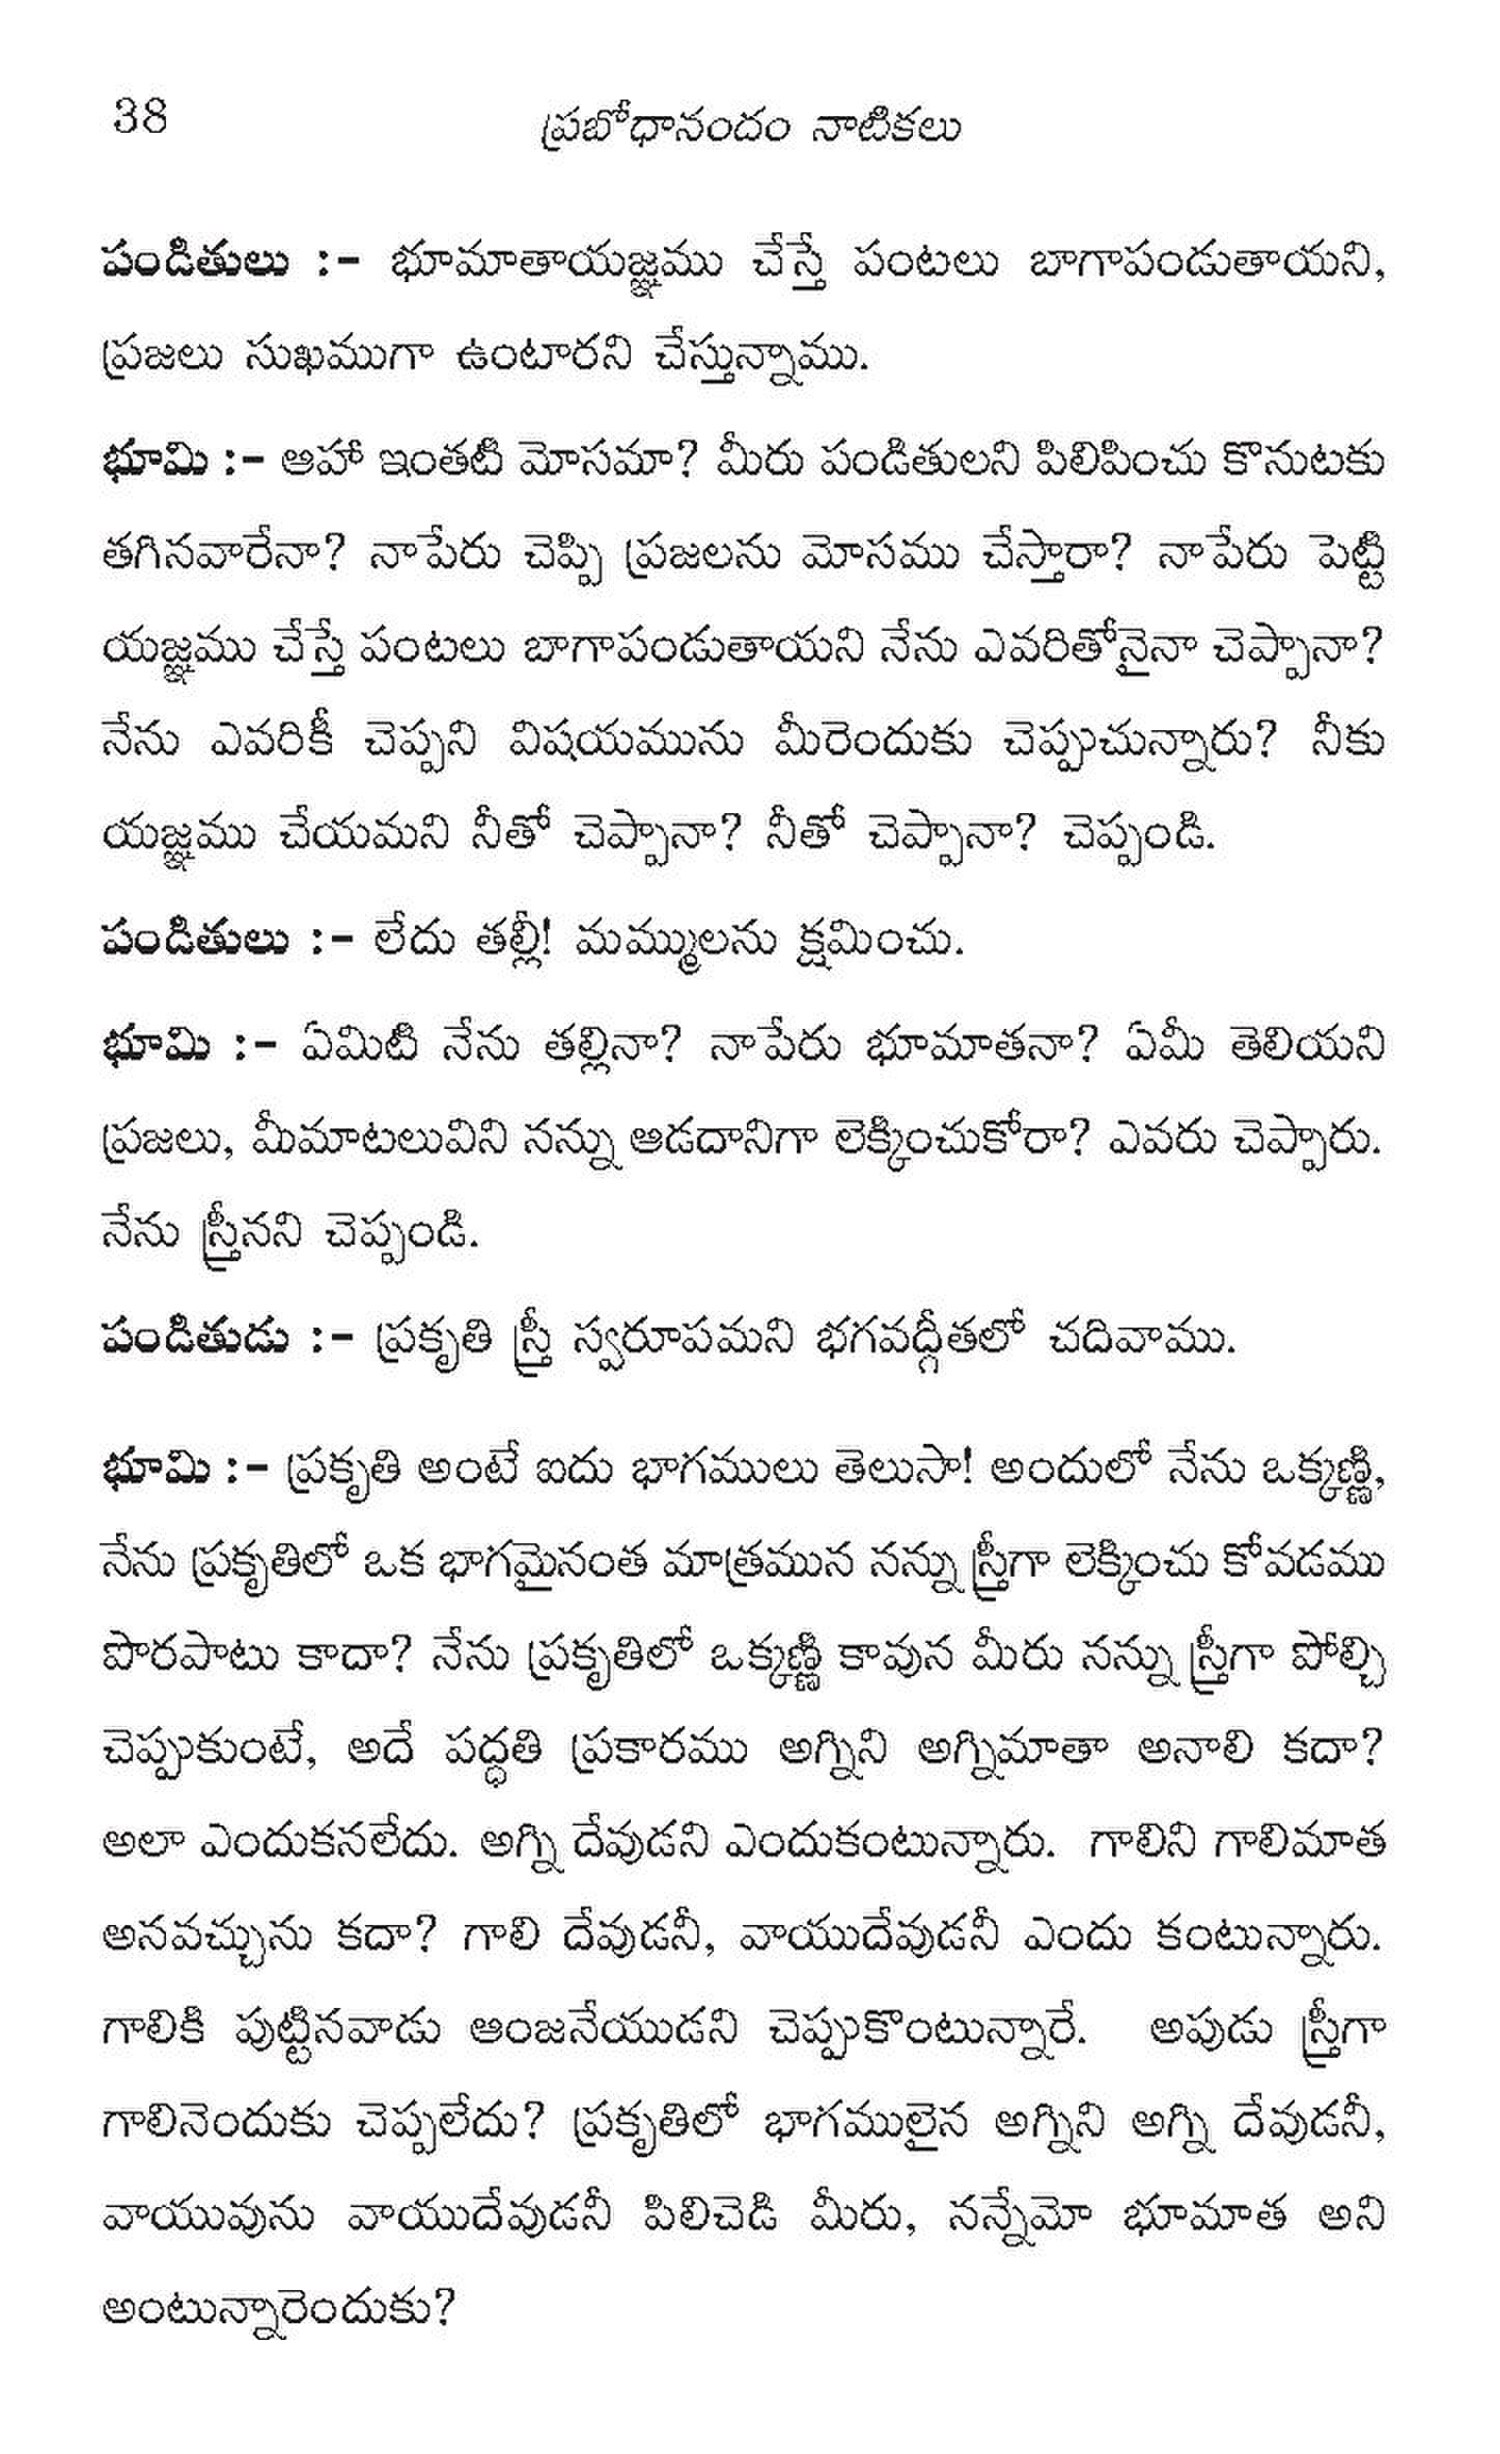పండితులు :- భూమాతాయజ్ఞము చేస్తే పంటలు బాగాపండుతాయని, ప్రజలు సుఖముగా ఉంటారని చేస్తున్నాము.

భూమి :- ఆహా ఇంతటి మోసమా? మీరు పండితులని పిలిపించు కొనుటకు తగినవారేనా? నాపేరు చెప్పి ప్రజలను మోసము చేస్తారా? నాపేరు పెట్టి యజ్ఞము చేస్తే పంటలు బాగాపండుతాయని నేను ఎవరితోనైనా చెప్పానా? నేను ఎవరికీ చెప్పని విషయమును మీరెందుకు చెప్పుచున్నారు? నీకు యజ్ఞము చేయమని నీతో చెప్పానా? నీతో చెప్పానా? చెప్పండి.

పండితులు :- లేదు తల్లీ! మమ్ములను క్షమించు.

భూమి :- ఏమిటి నేను తల్లినా? నాపేరు భూమాతనా? ఏమీ తెలియని ప్రజలు, మీమాటలువిని నన్ను ఆడదానిగా లెక్కించుకోరా? ఎవరు చెప్పారు. నేను స్త్రీనని చెప్పండి.

పండితుడు :- ప్రకృతి స్త్రీ స్వరూపమని భగవద్గీతలో చదివాము.

భూమి :- ప్రకృతి అంటే ఐదు భాగములు తెలుసా! అందులో నేను ఒక్కణ్ణి, నేను ప్రకృతిలో ఒక భాగమైనంత మాత్రమున నన్ను స్త్రీగా లెక్కించు కోవడము పొరపాటు కాదా? నేను ప్రకృతిలో ఒక్కణ్ణి కావున మీరు నన్ను స్త్రీగా పోల్చి చెప్పుకుంటే, అదే పద్ధతి ప్రకారము అగ్నిని అగ్నిమాతా అనాలి కదా? అలా ఎందుకనలేదు. అగ్ని దేవుడని ఎందుకంటున్నారు. గాలిని గాలిమాత అనవచ్చును కదా? గాలి దేవుడనీ, వాయుదేవుడనీ ఎందు కంటున్నారు. గాలికి పుట్టినవాడు ఆంజనేయుడని చెప్పుకొంటున్నారే. అపుడు స్త్రీగా గాలినెందుకు చెప్పలేదు? ప్రకృతిలో భాగములైన అగ్నిని అగ్ని దేవుడనీ, వాయువును వాయుదేవుడనీ పిలిచెడి మీరు, నన్నేమో భూమాత అని అంటున్నారెందుకు?